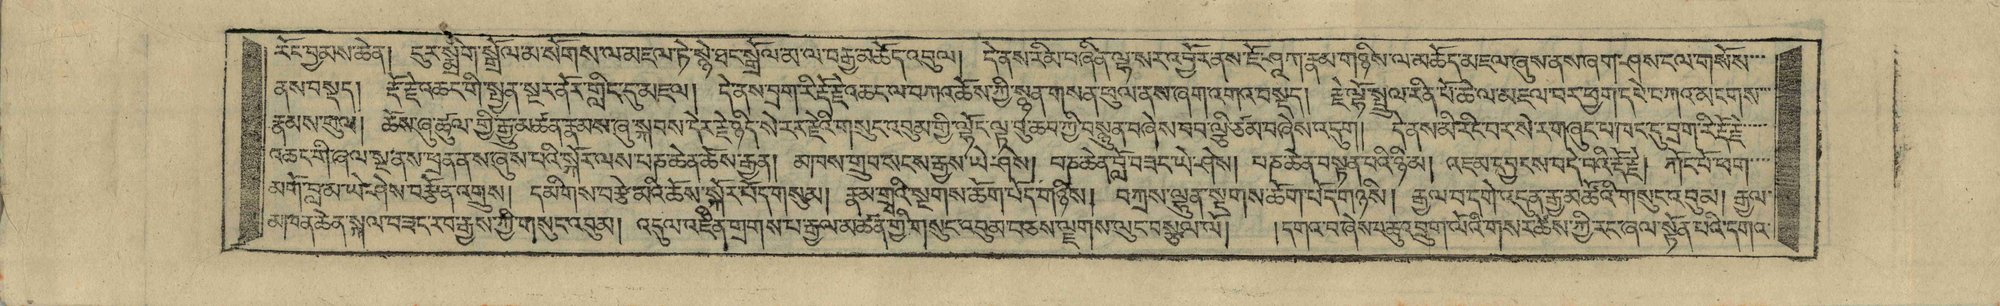རོང་བྱམས་ཆེན། ངུར་སྨྲིག་སྒྲོལ་མ་སོགས་ལ་མཇལ་ཏེ་སྙེ་ཐང་སྒྲོལ་མ་ལ་བརྒྱ་མཆོད་འབུལ། དེ་ནས་རིམ་བཞིན་ལྷ་སར་འབྱོར་ནས་ཇོ་ཤཱཀ་རྣམ་གཉིས་ལ་མཆོད་མཇལ་ཞུས་ནས་ཞག་ཤས་ངལ་གསོས་
ནས་བསྡད། རྡོ་རྗེ་འཆང་གི་སྤྱན་སྔར་ནོར་གླིང་དུ་མཇལ། དེ་ནས་བྲག་རི་རྡོ་རྗེ་འཆང་ལ་བཀའ་ཆོས་ཀྱི་སྙན་གསན་ཕུལ་ནས་ཞག་འགའ་བསྡད། རྗེ་ལྷོ་སྤྲུལ་རིན་པོ་ཆེ་ལ་མཇལ་བར་ཕྱག་དཔེ་བཀའ་མངགས་
རྣམས་ཕུལ། ཆོས་ཞུ་ཚུལ་གྱི་རྒྱུ་མཚན་རྣམས་ཞུ་སྐབས་དེར་རྗེ་ཉིད་སེ་རར་རྗེའི་གསུང་འབུམ་གྱི་ལྷོང་ལྟ་བུ་ཆབ་ཀྱི་བསྙུན་བཞེས་བབ་ལྕི་ཙམ་བཞེས་འདུག །དེ་ནས་མི་རིང་བར་སེ་ར་གཞུང་པ་ཁང་དུ་བྲག་རི་རྡོ་རྗེ་
འཆང་གི་ཞལ་སྔ་ནས་ཕྲན་ནས་ཞུས་པའི་སྐོར་ལས་པཎ་ཆེན་ཆོས་རྒྱན། མཁས་གྲུབ་སངས་རྒྱས་ཡེ་ཤེས། པཎ་ཆེན་བློ་བཟང་ཡེ་ཤེས། པཎ་ཆེན་བསྟན་པའི་ཉི་མ། འཇམ་དབྱངས་བདེ་བའི་རྡོ་རྗེ། ཀོང་པོ་ཕག་
མགོ་བླ་མ་ཡེ་ཤེས་བརྩོན་འགྲུས། དམིགས་བརྩེ་མའི་ཆོས་སྐོར་པོད་གསུམ། རྣམ་གྲྭའི་སྔགས་ཆོག་པོད་གཉིས། བཀྲས་ལྷུན་སྔགས་ཆོག་པོད་གཉིས། རྒྱལ་བ་དགེ་འདུན་རྒྱ་མཚོའི་གསུང་འབུམ། རྒྱལ་
མཁན་ཆེན་སྐལ་བཟང་རབ་རྒྱས་ཀྱི་གསུང་འབུམ། འདུལ་འཛིན་གྲགས་པ་རྒྱལ་མཚན་གྱི་གསུང་འབུམ་བཅས་ལྗགས་ལུང་བསྩལ་ལོ། །དགའ་བ་ཞེས་པ་ཆུ་འབྲུག་ལོའི་གསར་ཚེས་ཀྱི་རང་ཞལ་སྟོན་པའི་དགའ་